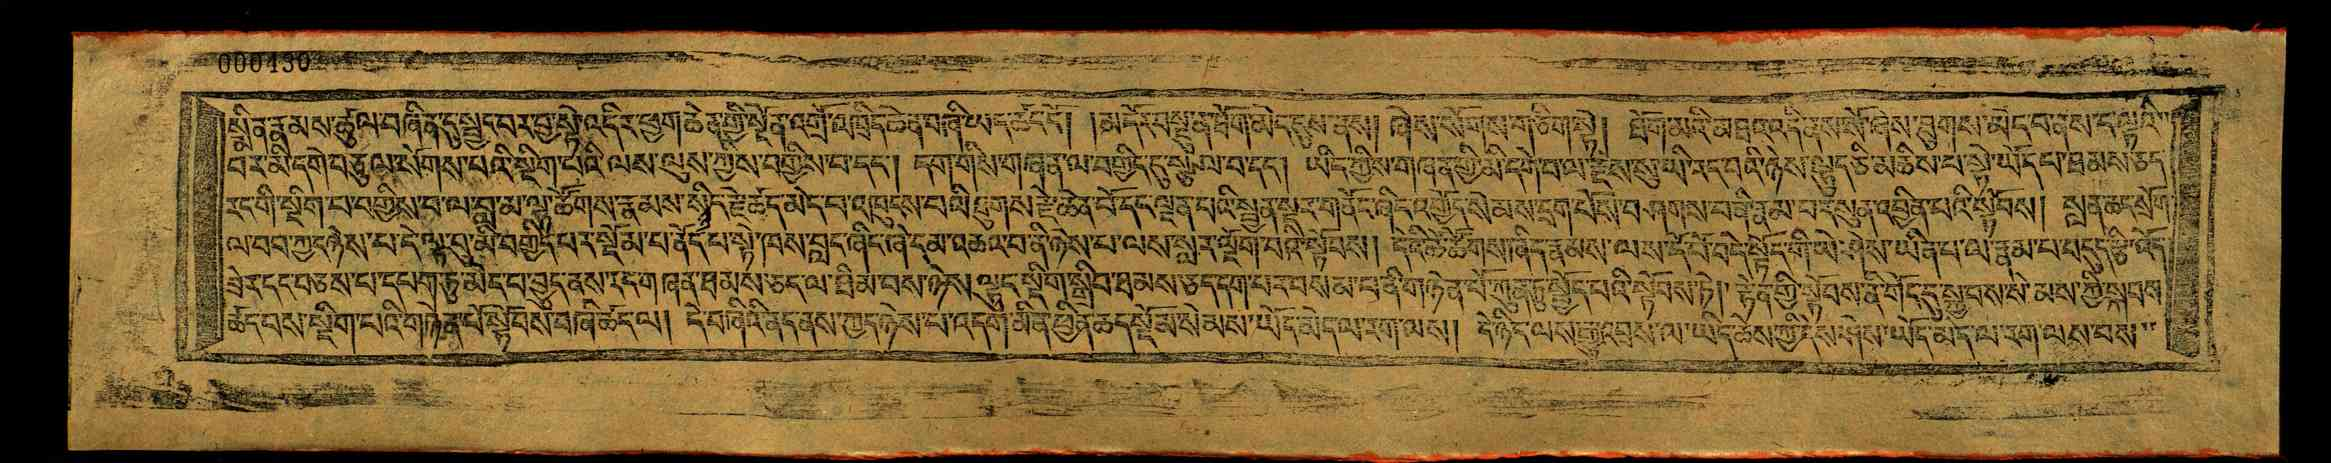སྨིན་རྣམས་ཚུལ་བཞིན་དུ་སྦྱང་བར་བྱ་སྟེ་འདིར་ཕྱག་ཆེན་གྱི་སྔོན་འགྲོ་འཁྲིད་ཆེན་བཞི་ཡང་ཚང་ངོ། །མདོར་བསྡུ་ན་ཐོག་མེད་དུས་ནས། ཞེས་སོགས་གཅིག་སྟེ། ཐོག་མའི་མཐར་འདི་ནས་སོ་ཞེས་ཐུག་ས་མེད་པ་ནས་ད་ལྟའི་
བར་མི་དགེ་བཅུ་ལ་སོགས་པའི་སྡིག་པའི་ལས་ལུས་ཀྱིས་བགྱིས་པ་དང་། ངག་གིས་གཞན་ལ་བགྱིད་དུ་སྩལ་བ་དང་། ཡིད་ཀྱིས་གཞན་གྱི་མི་དགེ་བ་ལ་རྗེས་སུ་ཡི་རང་བའི་ཉེས་ལྟུང་ཅི་མཆིས་པ་སྟེ་ཡོད་པ་ཐམས་ཅད།
རང་གི་སྡིག་པ་བགྱིས་པ་ལ་བླ་མ་ལྷ་ཚོགས་རྣམས་སྙིང་རྗེ་ཚད་མེད་པ་འཁྲུངས་པའི་ཐུགས་རྗེ་ཆེན་པོ་དང་ལྡན་པ། སྤྱན་སྔར་གནོད་ཞིང་འགྱོད་སེམས་དྲག་པོས་བཤགས་པ་ནི་རྣམ་པར་སུན་འབྱིན་པའི་སྟོབས། སླན་ཆད་སྲོག་
ལ་བབ་ཀྱང་ཉེས་པ་དེ་ལྟ་བུ་མི་བགྱིད་བར་སྡོམ་པ་ནོད་པ་སྟེ་ཁས་བླང་ཞིང་ཞེ་དམ་འཆའ་བ་ནི་ཉེས་པ་ལས་སླར་ལྡོག་པའི་སྟོབས། དེའི་ཚེ་ཚོགས་ཞིང་རྣམས་ལས་ངོ་བོ་བདེ་སྟོང་གི་ཡེ་ཤེས་ཡིན་པ་ལ་རྣམ་པ་བདུད་རྩི་འོད་
ཟེར་དང་བཅས་པ་དཔག་ཏུ་མེད་པ་བྱུང་ནས་རང་གཞན་ཐམས་ཅད་ལ་ཐིམ་པས་ཉེས་ལྟུང་སྡིག་སྒྲིབ་ཐམས་ཅད་དག་པར་བསམ་པ་ནི་གཉེན་པོ་ཀུན་ཏུ་སྤྱོད་པའི་སྟོབས་ཏེ། རྟེན་གྱི་སྟོབས་ནི་གོང་དུ་སྐྱབས་སེམས་ཀྱི་སྐབས་
ཚང་བས་སྡིག་པའི་གཉེན་པོ་སྟོབས་བཞི་ཚང་ལ། དེ་བཞིའི་ནང་ནས་ཀྱང་ཉེས་པ་འདག་མིན་ཕྱིན་ཆད་སྡོམ་སེམས་ཡོད་མེད་ལ་རག་ལས། དེ་ཉིད་ལས་རྒྱུ་འབྲས་ལ་ཡིད་ཆེས་ཀྱི་ངེས་ཤེས་ཡོད་མེད་ལ་རག་ལས་པས་